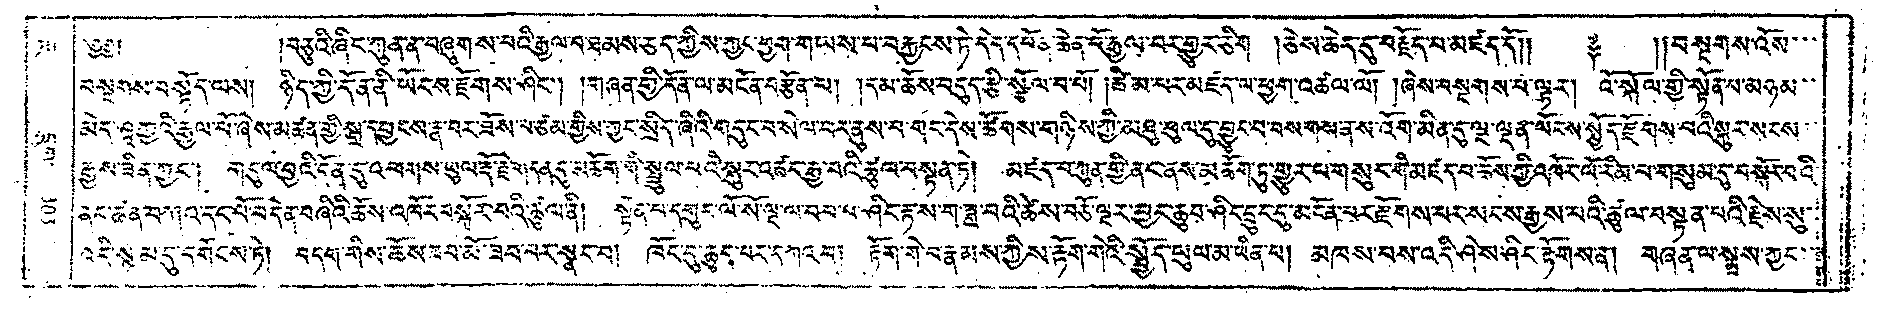༄༅། །བཅུའི་ཞིང་ཀུན་ན་བཞུགས་པའི་རྒྱལ་བ་ཐམས་ཅད་ཀྱིས་ཀྱང་ཕྱག་གཡས་པ་བརྐྱངས་ཏེ་དེད་དཔོན་ཆེན་པོ་རྒྱལ་བར་གྱུར་ཅིག །ཅེས་ཆེད་དུ་བརྗོད་པ་མཛད་དོ།། ༈ །།བསྔགས་འོས་
བསྔགས་བསྟོད་ལས། ཉིད་ཀྱི་དོན་ནི་ཡོངས་རྫོགས་ཤིང་། །གཞན་གྱི་དོན་ལ་མངོན་བརྩོན་པ། །དམ་ཆོས་བདུད་རྩི་སྩོལ་བ་པོ། །ཚིམ་པར་མཛད་ལ་ཕྱག་འཚལ་ལོ། །ཞེས་བསྔགས་པ་ལྟར། འོ་སྐོལ་གྱི་སྟོན་པ་མཉམ་
མེད་ཤཱཀྱའི་རྒྱལ་པོ་ཞེས་མཚན་གྱི་སྒྲ་དབྱངས་རྣ་བར་ཐོས་པ་ཙམ་གྱིས་ཀྱང་སྲིད་ཞིའི་གདུང་བ་སེལ་བར་ནུས་པ་གང་དེས་ཚོགས་གཉིས་ཀྱི་མཐུ་ཕུལ་དུ་བྱུང་བ་བསགས་ནས་འོག་མིན་དུ་ལྔ་ལྡན་ལོངས་སྤྱོད་རྫོགས་པའི་སྐུར་སངས་
རྒྱས་ཟིན་ཀྱང་། གདུལ་བྱའི་དོན་དུ་འཕགས་ཡུལ་རྡོ་རྗེ་གདན་དུ་མཆོག་གི་སྤྲུལ་པའི་སྐུར་འཚང་རྒྱ་བའི་ཚུལ་བསྟན་ཏེ། མཛད་པ་ཀུན་གྱི་ནང་ནས་མཆོག་ཏུ་གྱུར་པ་གསུང་གི་མཛད་པ་ཆོས་ཀྱི་འཁོར་ལོ་རིམ་པ་གསུམ་དུ་བསྐོར་བའི་
ནང་ཚན་བཀའ་དང་པོ་བདེན་བཞིའི་ཆོས་འཁོར་བསྐོར་བའི་ཚུལ་ནི། སྟོན་པ་དགུང་ལོ་སོ་ལྔ་ལ་བབ་པ་ཤིང་རྟ་ས་ག་ཟླ་བའི་ཚེས་བཅོ་ལྔར་བྱང་ཆུབ་ཤིང་དྲུང་དུ་མངོན་པར་རྫོགས་པར་སངས་རྒྱས་པའི་ཚུལ་བསྟན་པའི་རྗེས་སུ་
འདི་སྙམ་དུ་དགོངས་ཏེ། བདག་གིས་ཆོས་ཟབ་མོ་ཟབ་པར་སྣང་བ། ཁོང་དུ་ཆུད་པར་དཀའ་བ། རྟོག་གེ་པ་རྣམས་ཀྱིས་རྟོག་གེའི་སྤྱོད་ཡུལ་མ་ཡིན་པ། མཁས་པས་འདི་ཤེས་ཤིང་རྟོགས་ན། གཞན་ལ་སྨྲས་ཀྱང་